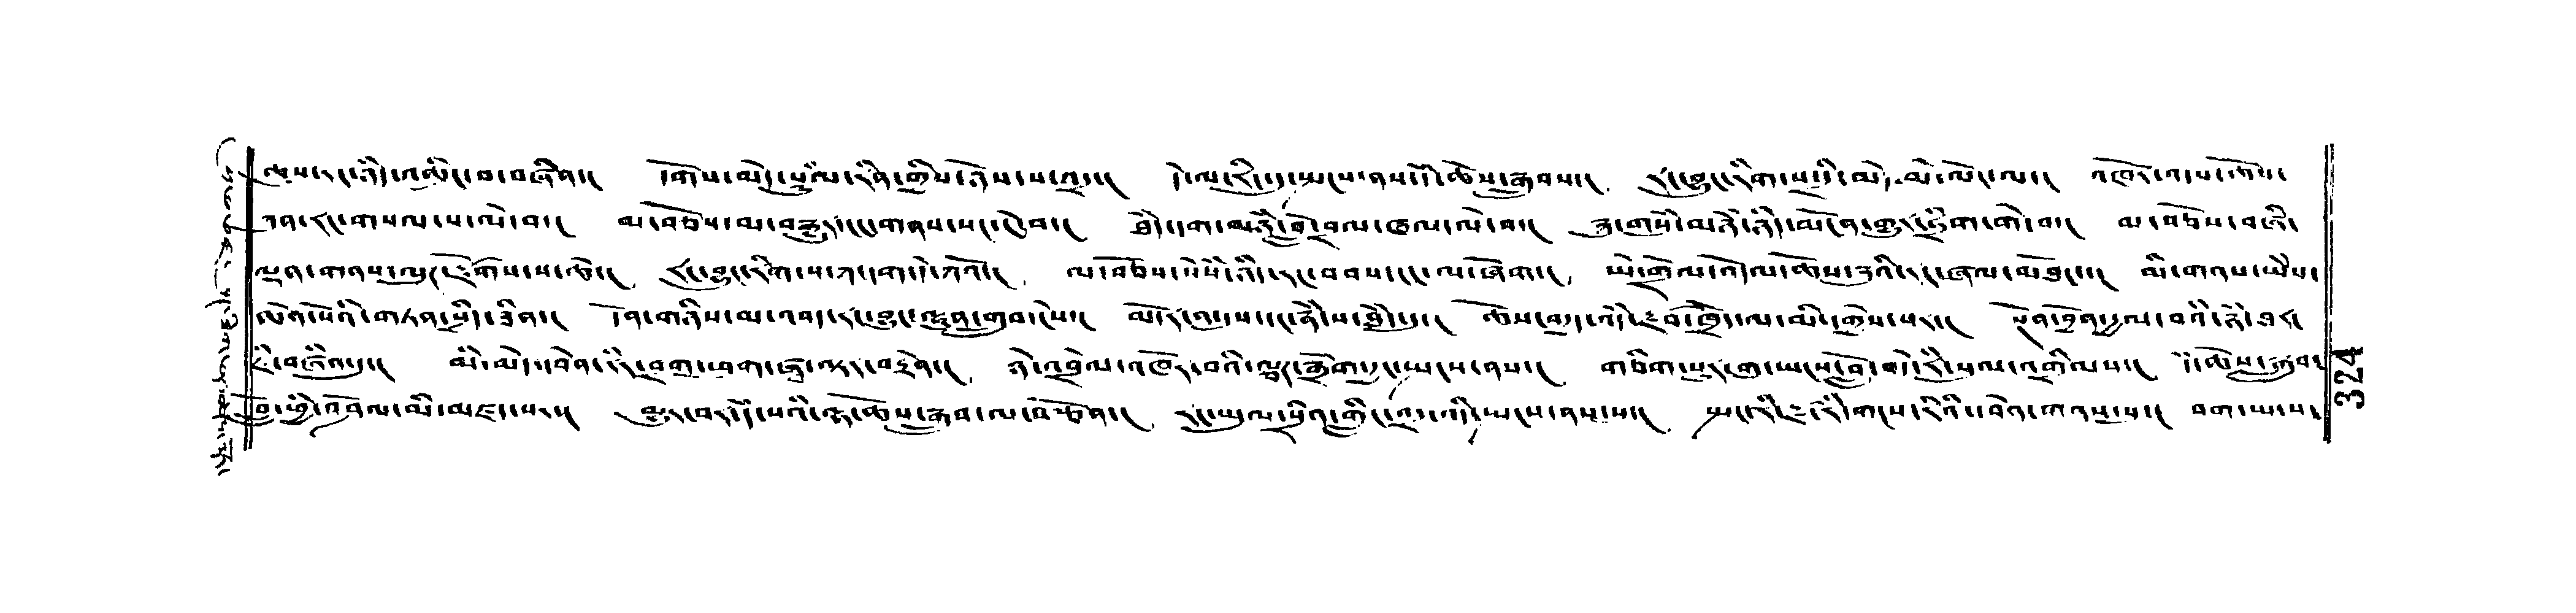ཆུས་རང་ཉིད་འཆིང་བ་བཞིན། །དགོས་མེད་སྡུག་བསྔལ་རིན་གྱིས་ཉོས་པ་འདྲ། །དེ་ལ་རིང་དུ་སྤངས་ནས་དམ་ཆོས་སྒྲུབས། །རང་བྱུང་རིག་པ་དྲི་མེད་མེ་ལོང་ལ། །འཁོར་འདས་ཆོས་
ཀུན་རང་གསལ་ས་ལེ་བ། །མ་བཅོས་མ་བསྒྱུར་ངང་གནས་སང་ངེ་བ། །ཐམས་ཅད་དག་མཉམ་བློ་བྲལ་ཝལ་ལེ་བ། །སྐུ་གསུམ་མཉམ་ཉིད་མངོན་གྱུར་ཧྲིག་གེ་བ། །མ་བཅོས་བཞི་
ལྡན་གནས་ལུགས་རྫོགས་པ་ཆེ། །རང་བྱུང་རིག་པ་ཀ་དག་དེ་ཀའོ། །མ་བཅོས་སེམས་ཉིད་རང་བབས་ངང་ལ་ཞོག།ཡེ་གྲོལ་འོད་གསལ་ཆོས་སྐུའི་རང་ཞལ་མཐོང་། །མི་གནས་ཡེ་ཤེས་
ཆེན་པོའི་གཏན་སྲིད་ཟིན། །དོན་གཉིས་མ་འབད་རང་བྱུང་ལྷུན་གྲུབ་ངེས། །མདོར་ན་དུས་དང་རྣམ་པ་ཐམས་ཅད་དུ། །ཆོས་བརྒྱད་འདམ་རྫབ་ཁྲོད་ལ་མི་དགྱེས་པར། །སྔོན་བྱོན་རྒྱལ་བའི་རྣམ་ཐར་
ཇི་བཞིན་དུ། །མི་མེད་དབེན་རིར་བྲག་ཕུག་ཞྭ་ལྟར་བསྟེན། །ཉེ་འབྲེལ་འཁོར་བའི་ལྕགས་སྒྲོག་རྒྱང་སྤངས་ནས། །གཅིག་པུར་གུ་ཡངས་བློ་བདེ་རི་སུལ་འགྲིམས། །དམ་ཆོས་སྒྲུབ་
བློ་ཕྱི་བཤོལ་མི་མཛད་པར། །མྱུར་བར་དམ་པའི་ལྷ་ཆོས་སྒྲུབ་ལ་བརྩོན། །རང་ཡུལ་སྲིན་གླིང་འདྲ་འདི་སྤངས་ནས་སུ། །སྤང་རི་རྫ་རི་གངས་རིའི་དབེན་གནས་སུ། །བག་ཡངས་